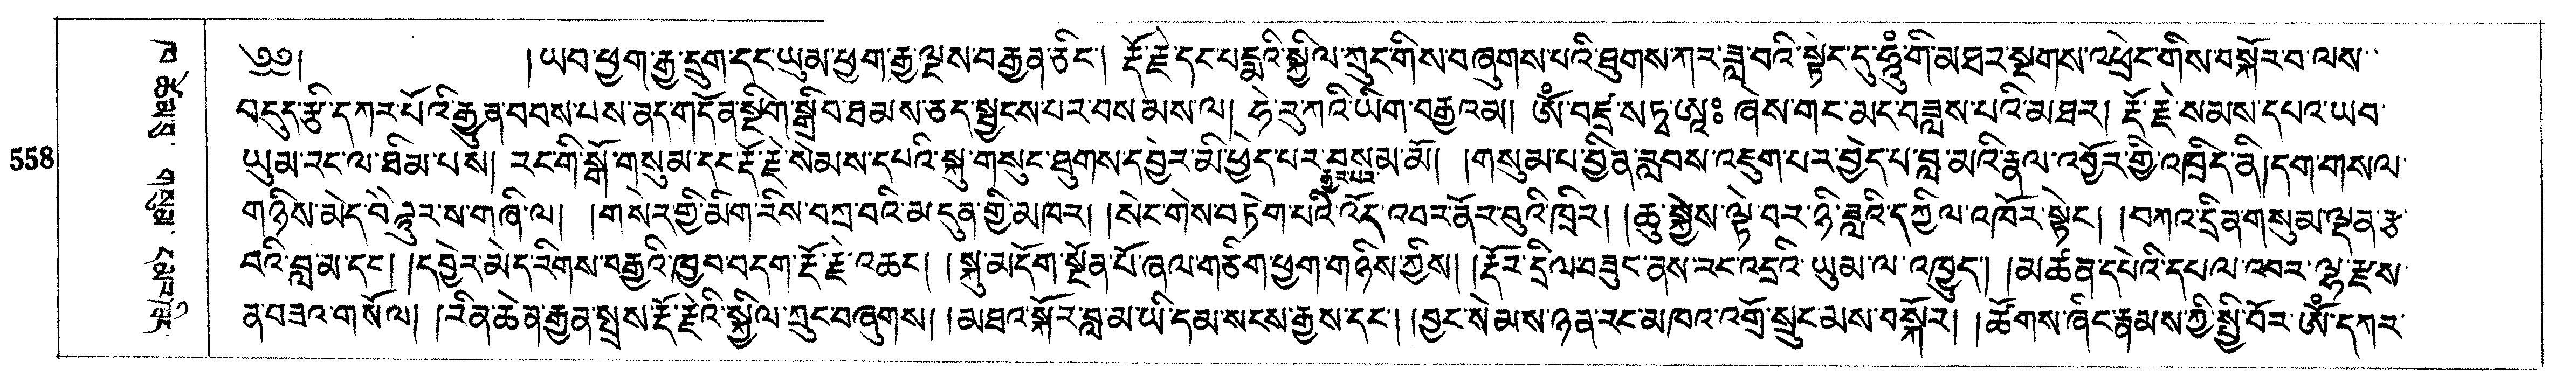༄༅། །ཡབ་ཕྱག་རྒྱ་དྲུག་དང་ཡུམ་ཕྱག་རྒྱ་ལྔས་བརྒྱན་ཅིང་། རྡོ་རྗེ་དང་པདམའི་སྐྱིལ་ཀྲུང་གིས་བཞུགས་པའི་ཐུགས་ཀར་ཟླ་བའི་སྟེང་དུ་ཧཱུཾ་གི་མཐར་སྔགས་འཕྲེང་གིས་བསྐོར་བ་ལས་
བདུད་རྩི་དཀར་པོའི་རྒྱུན་བབས་པས་ནད་གདོན་སྡིག་སྒྲིབ་ཐམས་ཅད་སྦྱངས་པར་བསམས་ལ། ཧེ་རུ་ཀའི་ཡིག་བརྒྱའམ། ཨོཾ་བཛྲ་སཏྭ་ཨཱཿ ཞེས་གང་མང་བཟླས་པའི་མཐར། རྡོ་རྗེ་སེམས་དཔའ་ཡབ་
ཡུམ་རང་ལ་ཐིམ་པས། རང་གི་སྒོ་གསུམ་དང་རྡོ་རྗེ་སེམས་དཔའི་སྐུ་གསུང་ཐུགས་དབྱེར་མི་ཕྱེད་པར་རྒྱར་པར་བསམ་མོ། །གསུམ་པ་བྱིན་རླབས་འཇུག་པར་བྱེད་པ་བླ་མའི་རྣལ་འབྱོར་གྱི་འཁྲིད་ནི། དག་གསལ་
གཉིས་མེད་བཻཌཱུར་ས་གཞི་ལ། །གསེར་གྱི་མིག་རིས་བཀྲ་བའི་མདུན་གྱི་མཁར། །སེང་གེས་བཏེག་པའི་འོད་འབར་ནོར་བུའི་ཁྲིར། །ཆུ་སྐྱེས་ལྟེ་བར་ཉི་ཟླའི་དཀྱིལ་འཁོར་སྟེང་། །བཀའ་དྲིན་གསུམ་ལྡན་རྩ་
བའི་བླ་མ་དང་། །དབྱེར་མེད་རིགས་བརྒྱའི་ཁྱབ་བདག་རྡོ་རྗེ་འཆང་། །སྐུ་མདོག་སྔོན་པོ་ཞལ་གཅིག་ཕྱག་གཉིས་ཀྱིས། །རྡོར་དྲིལ་བཟུང་ནས་རང་འདྲའི་ཡུམ་ལ་འཁྱུད། །མཚན་དཔེའི་དཔལ་འབར་ལྷ་རྫས་
ན་བཟའ་གསོལ། །རིན་ཆེན་རྒྱན་སྤྲས་རྡོ་རྗེའི་སྐྱིལ་ཀྲུང་བཞུགས། །མཐའ་སྐོར་བླ་མ་ཡི་དམ་སངས་རྒྱས་དང་། །བྱང་སེམས་ཉན་རང་མཁའ་འགྲོ་སྲུང་མས་བསྐོར། །ཚོགས་ཞིང་རྣམས་ཀྱི་སྤྱི་བོར་ཨོཾ་དཀར་